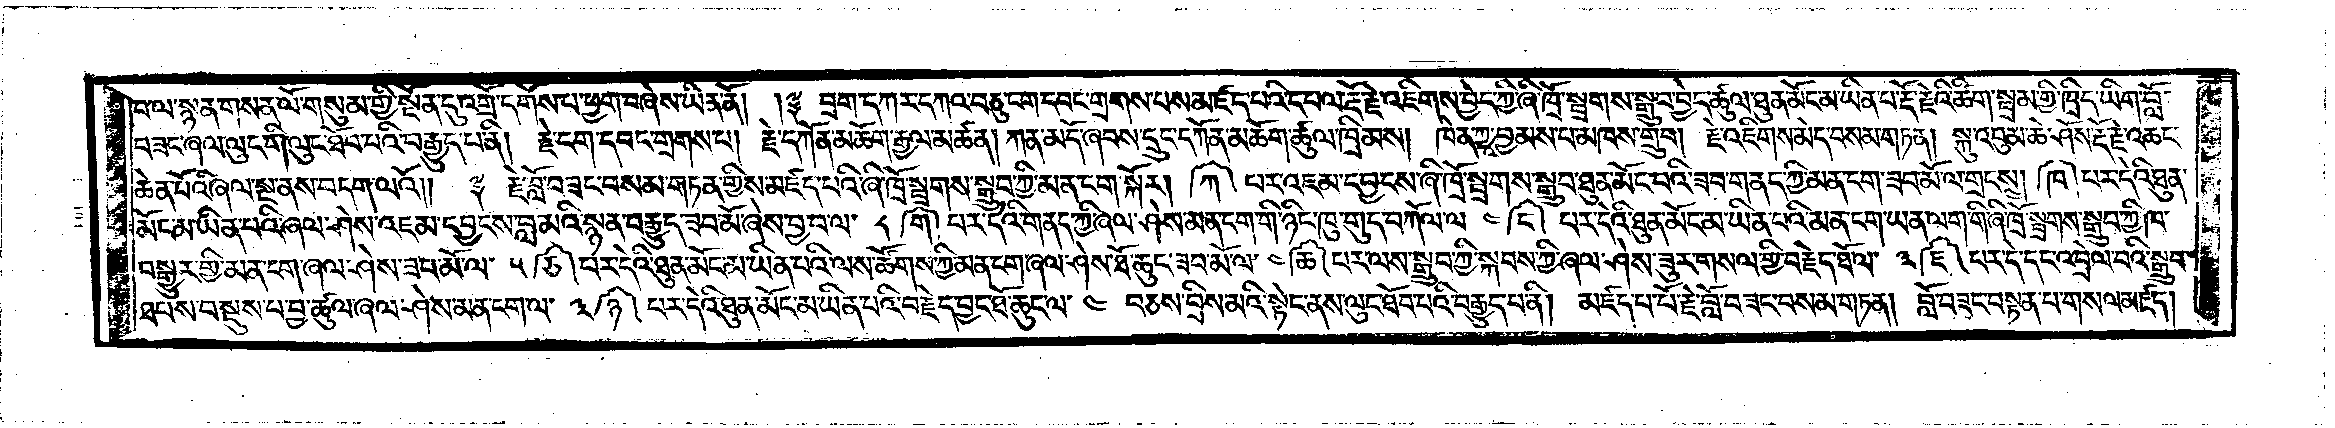བ་ལ་སྙན་གསན་ལོ་གསུམ་གྱི་སྔོན་དུ་འགྲོ་དགོས་པ་ཕྱག་བཞེས་ཡིན་ནོ། །༈ བྲག་དཀར་དཀའ་བཅུ་ངག་དབང་གྲགས་པས་མཛད་པའི་དཔལ་རྡོ་རྗེ་འཇིགས་བྱེད་ཀྱི་ཞི་ཁྲོ་སྦྲགས་སྒྲུབ་བྱེད་ཚུལ་ཐུན་མོང་མ་ཡིན་པ་རྡོ་རྗེའི་ཚིག་སྦྲམ་གྱི་ཁྲིད་ཡིག་བློ་
བཟང་ཞལ་ལུང་གི་ལུང་ཐོབ་པའི་བརྒྱུད་པ་ནི། རྗེ་ངག་དབང་གྲགས་པ། རྗེ་དཀོན་མཆོག་རྒྱལ་མཚན། ཀན་མདོ་ཞབས་དྲུང་དཀོན་མཆོག་ཚུལ་ཁྲིམས། ཁེན་ཀྱཱ་བྱམས་པ་མཁས་གྲུབ། རྗེ་འཇིགས་མེད་བསམ་གཏན། སྐུ་འབུམ་ཆེ་ཤོས་རྡོ་རྗེ་འཆང་
ཆེན་པོའི་ཞལ་སྔ་ནས་བདག་ལའོ།། ༈ རྗེ་བློ་བཟང་བསམ་གཏན་གྱིས་མཛད་པའི་ཞི་ཁྲོ་སྦྲགས་སྒྲུབ་ཀྱི་མན་ངག་སྐོར། ༼ཀ༽ པར་འཇམ་དབྱངས་ཞི་ཁྲོ་སྦྲགས་སྒྲུབ་ཐུན་མོང་བའི་ཟབ་གནད་ཀྱི་མན་ངག་ཟབ་མོ་ལ་གྲངས། ༼ཁ༽ པར་དེའི་ཐུན་
མོང་མ་ཡིན་པའི་ཞལ་ཤེས་འཇམ་དབྱངས་བླ་མའི་སྙན་བརྒྱུད་ཟབ་མོ་ཞེས་བྱ་བ་ལ ༨ ༼ག༽ པར་དེའི་གནད་ཀྱི་ཞལ་ཤེས་མན་ངག་གི་ཉིང་ཁུ་གུད་བཀོལ་ལ ༤ ༼ང༽ པར་དེའི་ཐུན་མོང་མ་ཡིན་པའི་མན་ངག་ཡན་ལག་གི་ཞི་ཁྲོ་སྦྲགས་སྒྲུབ་ཀྱི་ཁ་
བསྒྱུར་གྱི་མན་ངག་ཞལ་ཤེས་ཟབ་མོ་ལ ༥ ༼ཅ༽ པར་དེའི་ཐུན་མོང་མ་ཡིན་པའི་ལས་ཚོགས་ཀྱི་མན་ངག་ཞལ་ཤེས་ཐོ་ཆུང་ཟབ་མོ་ལ ༤ ༼ཆ༽ པར་ལས་སྒྲུབ་ཀྱི་སྐབས་ཀྱི་ཞལ་ཤེས་ཟུར་གསལ་གྱི་བརྗོད་ཐོ་ལ ༣ ༼ཇ༽ པར་དེ་དང་འབྲེལ་བའི་སྒྲུབ་
ཐབས་བསྡུས་པ་བྱ་ཚུལ་ཞལ་ཤེས་མན་ངག་ལ ༣ ༼ཉ༽ པར་དེའི་ཐུན་མོང་མ་ཡིན་པའི་བརྗེད་བྱང་ཐོ་ཆུང་ལ ༤་བཅས་བྲིས་མའི་སྟེང་ནས་ལུང་ཐོབ་པའི་བརྒྱུད་པ་ནི། མཛད་པ་པོ་རྗེ་བློ་བཟང་བསམ་གཏན། བློ་བཟང་བསྟན་པ་གསལ་མཛད།